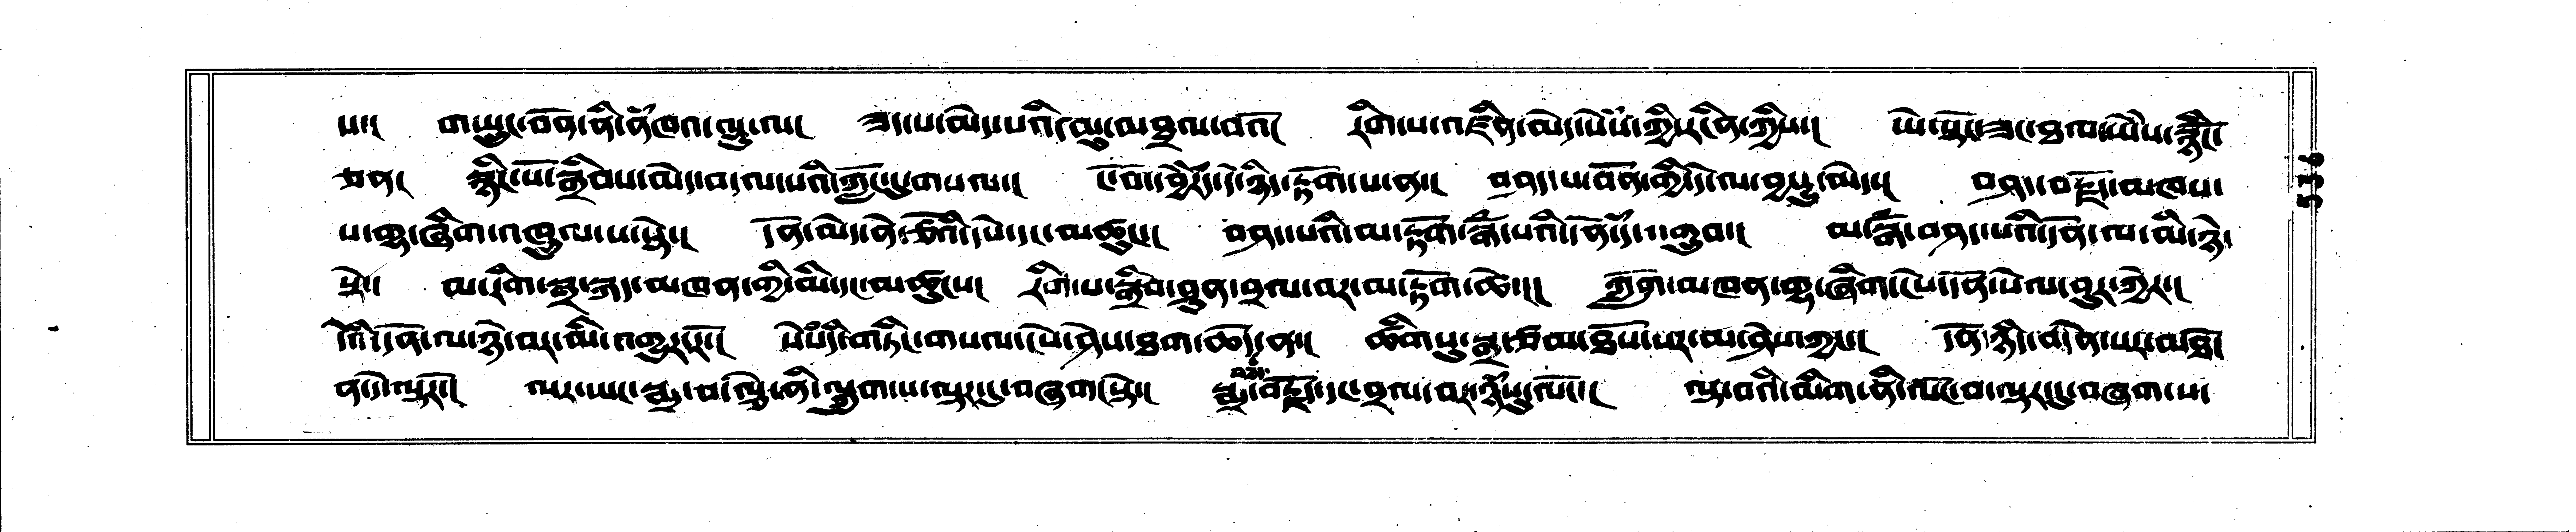གཡུང་དྲུང་བོན་ནི་ནམ་མཁའ་ལྟ་བུ་ལ། ཟད་པ་མེད་པས་མུ་མཐའ་དང་བྲལ་བའོ། རིག་པ་འཛིན་མེད་སེམས་ཀྱི་རང་བཞིན་ཀྱང་། ཡེ་སྟོང་ཟང་ཐལ་ཡེ་ཤེས་ཀྱི་སྙིང་པོ་སྒྲིབ་མེད་
ཅན། སྙིང་པོ་སྒྲིབ་མེད་བདལ་པ་ཀློང་དུ་གསལ། ངོའོ་དབྱེར་མེད་དེ་ཉིད་རྟོགས་པ་ན། བཤད་པ་བོན་གྱི་དེ་ལ་བྱ་རྒྱུ་མེད། བཤད་བརྗོད་མཁས་
པ་གྷ་ཞིག་འཁྲུལ་པ་སྟེ། དོན་མེད་ནེ་ཚོའི་རྒྱུ་འབྲས་དཔེ་དང་མཚུང་། བཤད་པའི་༼པས༽མ་རྟོགས་སྒོམ་པའི་དོན་དམ་འགྲུབ། མ་བསྒོམ་བཤད་པས་དོན་ལ་མི་ཉེ་
ཏེ། མ་རིག་སྒྲ་ཚད་མཁས་ཀྱི་མི་དང་མཚུངས། རིག་པ་སྒྲིབ་ཤུན་བྲལ་བར་མ་རྟོགས་ཚེ། ཀློག་མཁན་གྷ་(འགའ)ཞིག་ངེས་དོན་སེལ་བུ་འགྱེད། 
དེའི་དོན་ལ་ཉེ་བར་མི་འགྱུར་རོ། སེམས་ཉིད་གདིང་གསལ་ངེས་ཤེས་ཐག་ཆོད་ན། ཚིགས་སུ་སྒྲ་ཙམ་བརྗོད་པ་མ་ཤེས་ཀྱང་། དོན་དམ་བོན་ཉིད་བདེན་པ་མཐོང་
ཙ་དེ་ལྟར་རོ། ལར་ཡང་སྨྲ་བའི་ལྕེ་ནི་ལྐུག་པ་ལྟར་དུ་བཞག་པ་སྟེ། སྨྲ་བསམ་བརྗོད་དང་བྲལ་བར་ཉམས་སུ་ལོང་། ལྟ་བའི་མིག་ནི་ལོང་བ་ལྟ་བུར་བཞག་པ་